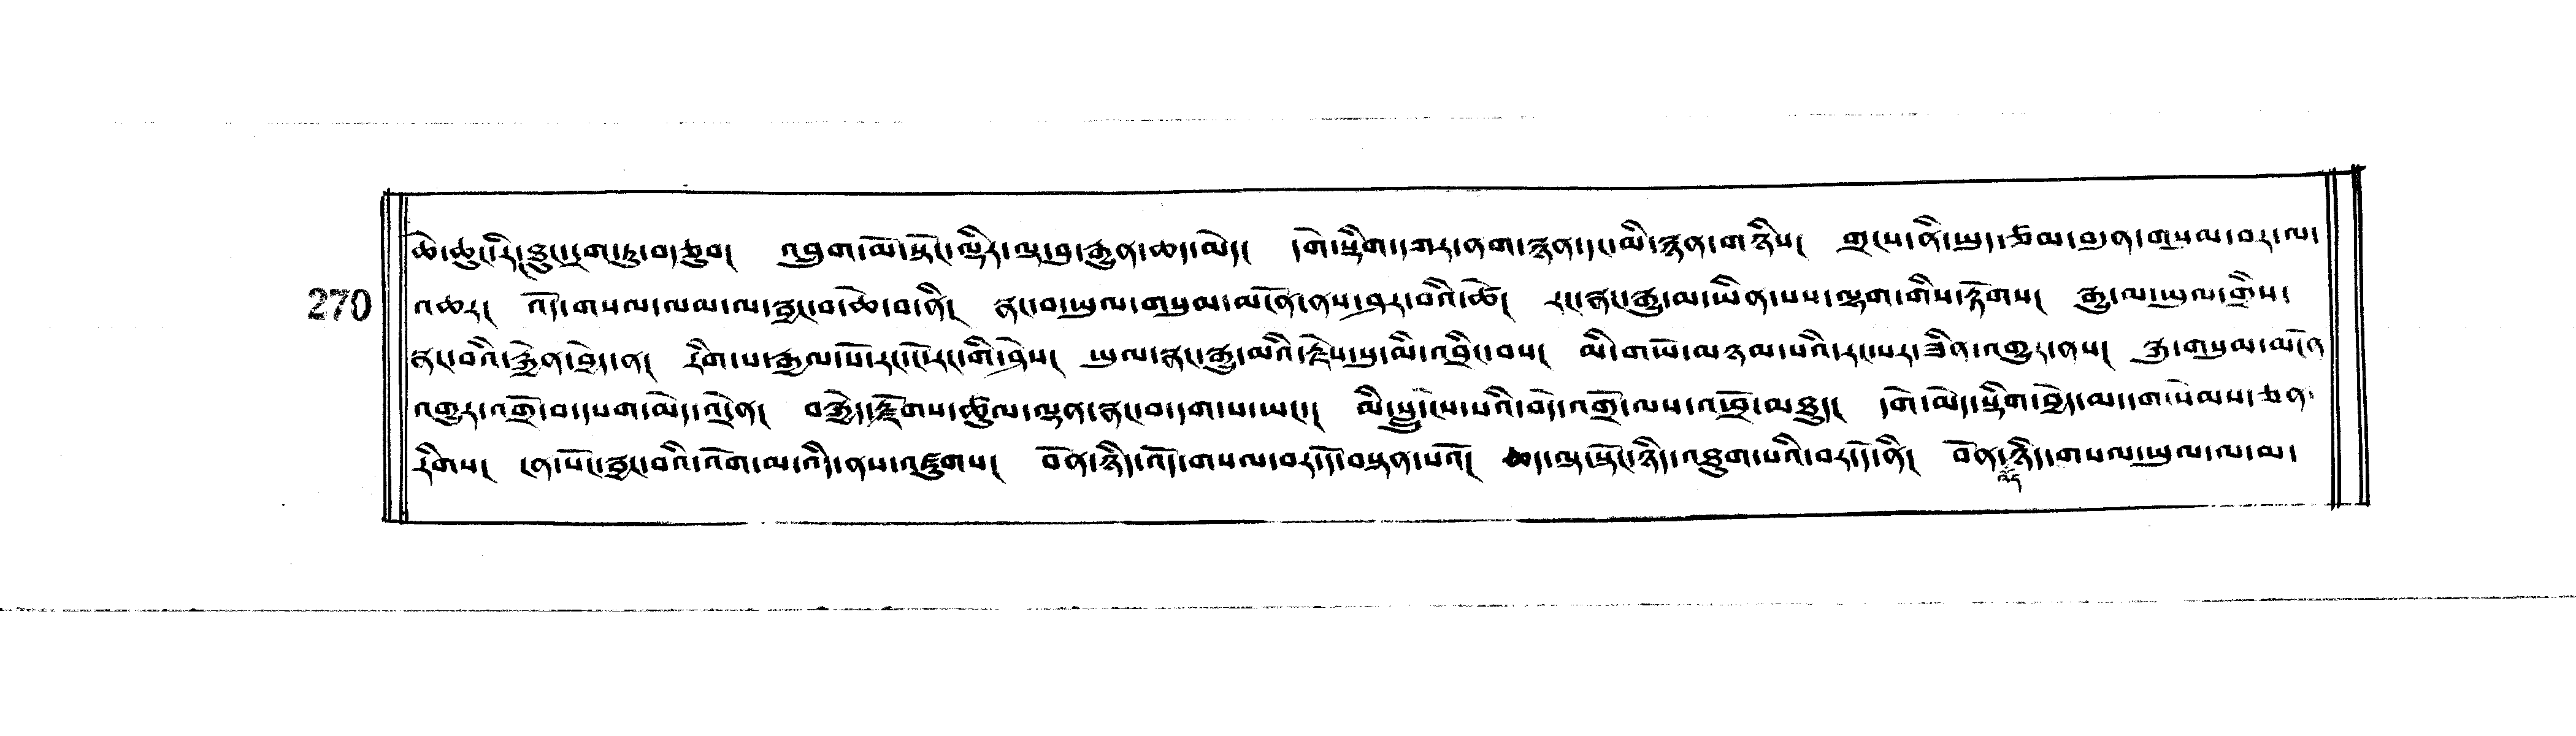ཆེ་ཆུང་རིང་ཐུང་དྲག་ཏུ་རྩུབ། འབྲུག་མོ་སྟོང་ལྡིར་ལྟ་བུ་རྒྱུན་ཆད་མེད། དགེ་སྡིག་དཀར་ནག་སྙན་དང་མི་སྙན་གཉིས། གྲངས་ནི་ཡུད་ཙམ་བདུན་གསུམ་བར་ལ་
འཆར། འོད་གསལ་ལམ་ལ་སྦྱང་བ་ཆེ་བ་ནི། སྣང་བ་ཡུལ་གསུམ་མངོན་ནས་ཤར་བའི་ཚེ། རང་སྣང་སྒྱུ་མ་ཡིན་པ་ལྷག་གིས་རྟོགས། སྒྱུ་མ་ཡུལ་གྱིས་
སྣང་བའི་རྐྱེན་བྱེད་ན། རིག་པ་རྒྱལ་པོ་རང་ངོ་རང་གིས་ཤེས། ཡུལ་སྣང་སྒྱུ་མའི་རྗེས་སུ་མི་འབྲེང་བས། མི་གཡོ་མཉམ་པའི་རང་སར་ཟིན་གྱུར་ནས། སྐུ་གསུམ་མངོན་
གྱུར་འགྲོ་བ་དཔག་མེད་འདྲེན། བསྐྱེད་རྫོགས་ཚུལ་ལྡན་སྣང་བ་དག་པ་ཡང་། མི་བསླུ་ངེས་པའི་བདེ་འགྲོ་ལས་འཕྲོ་མཐུད། དགེ་མེད་སྡིག་བྱེད་མ་དག་སེམས་ཅན་
རིགས། ངན་སོང་སྦྱོང་བའི་འགོ་མ་འདི་ནས་འཛུགས། བོན་ཉིད་འོད་གསལ་བར་དོ་བསྟན་པའོ། ཆད་ལྟ་སྟོང་ཉིད་མཐུག་པའི་བར་དོ་ནི། བོན་ཉིད་འོད་གསལ་ཡུལ་ལ་མ་